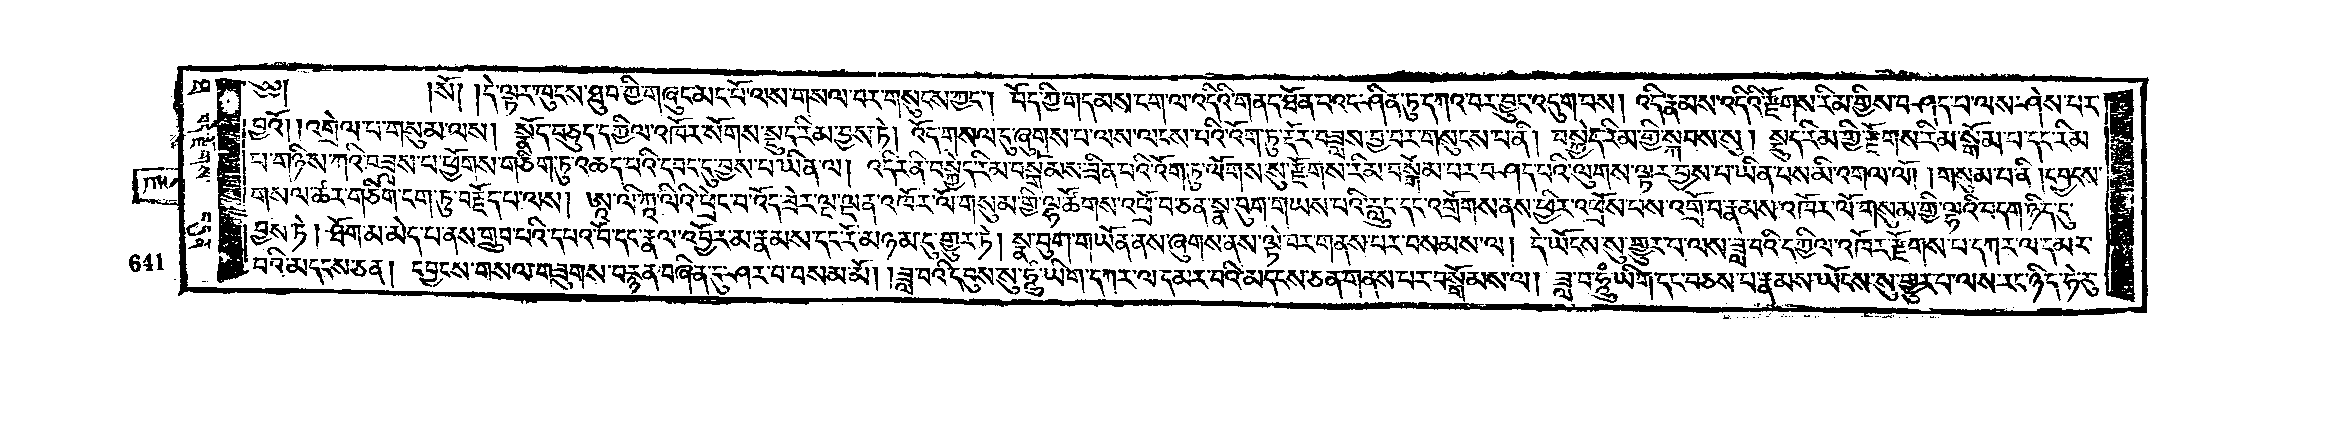༄༅། །སོ། །དེ་ལྟར་ཁུངས་ཐུབ་ཀྱི་གཞུང་མང་པོ་ལས་གསལ་བར་གསུངས་ཀྱང་། བོད་ཀྱི་གདམས་ངག་ལ་འདིའི་གནད་ཐོན་པའང་ཤིན་ཏུ་དཀའ་བར་བྱུང་འདུག་པས། འདི་རྣམས་འདིའི་རྫོགས་རིམ་གྱིས་བཤད་པ་ལས་ཤེས་པར་
བྱའོ། །འགྲེལ་པ་གསུམ་ལས། སྣོད་བཅུད་དཀྱིལ་འཁོར་སོགས་སྡུད་རིམ་བྱས་ཏེ། འོད་གསལ་དུ་ཞུགས་པ་ལས་ལངས་པའི་འོག་ཏུ་རྡོར་བཟླས་བྱ་བར་གསུངས་པ་ནི། བསྐྱེད་རིམ་གྱི་སྐབས་སུ། སྡུད་རིམ་གྱི་རྫོགས་རིམ་སྒོམ་པ་དང་རིམ་
པ་གཉིས་ཀའི་བཟླས་པ་ཕྱོགས་གཅིག་ཏུ་འཆད་པའི་དབང་དུ་བྱས་པ་ཡིན་ལ། འདིར་ནི་བསྐྱེད་རིམ་བསྒོམས་ཟིན་པའི་འོག་ཏུ་ལོགས་སུ་རྫོགས་རིམ་བསྒོམ་པར་བཤད་པའི་ལུགས་ལྟར་བྱས་པ་ཡིན་པས་མི་འགལ་ལོ། །གསུམ་པ་ནི། དབྱངས་
གསལ་ཚར་གཅིག་ངག་ཏུ་བརྗོད་པ་ལས། ཨཱ་ལི་ཀཱ་ལིའི་ཕྲེང་བ་འོད་ཟེར་ལྔ་ལྡན་འཁོར་ལོ་གསུམ་གྱི་ལྷ་ཚོགས་འཕྲོ་བ་ཅན་སྣ་བུག་གཡས་པའི་རླུང་དང་འགྲོགས་ནས་ཕྱིར་འཕྲོས་པས་འགྲོ་བ་རྣམས་འཁོར་ལོ་གསུམ་གྱི་ལྷའི་བདག་ཉིད་དུ་
བྱས་ཏེ། ཐོག་མ་མེད་པ་ནས་གྲུབ་པའི་དཔའ་བོ་དང་རྣལ་འབྱོར་མ་རྣམས་དང་རོ་མཉམ་དུ་གྱུར་ཏེ། སྣ་བུག་གཡོན་ནས་ཞུགས་ནས་ལྟེ་བར་གནས་པར་བསམས་ལ། དེ་ཡོངས་སུ་གྱུར་པ་ལས་ཟླ་བའི་དཀྱིལ་འཁོར་རྫོགས་པ་དཀར་ལ་དམར་
བའི་མདངས་ཅན། དབྱངས་གསལ་གཟུགས་བརྙན་བཞིན་དུ་ཤར་བ་བསམ་མོ། །ཟླ་བའི་དབུས་སུ་ཧཱུཾ་ཡིག་དཀར་ལ་དམར་བའི་མདངས་ཅན་གནས་པར་བསྒོམས་ལ། ཟླ་བ་ཧཱུཾ་ཡིག་དང་བཅས་པ་རྣམས་ཡོངས་སུ་གྱུར་པ་ལས་རང་ཉིད་ཧེ་རུ་